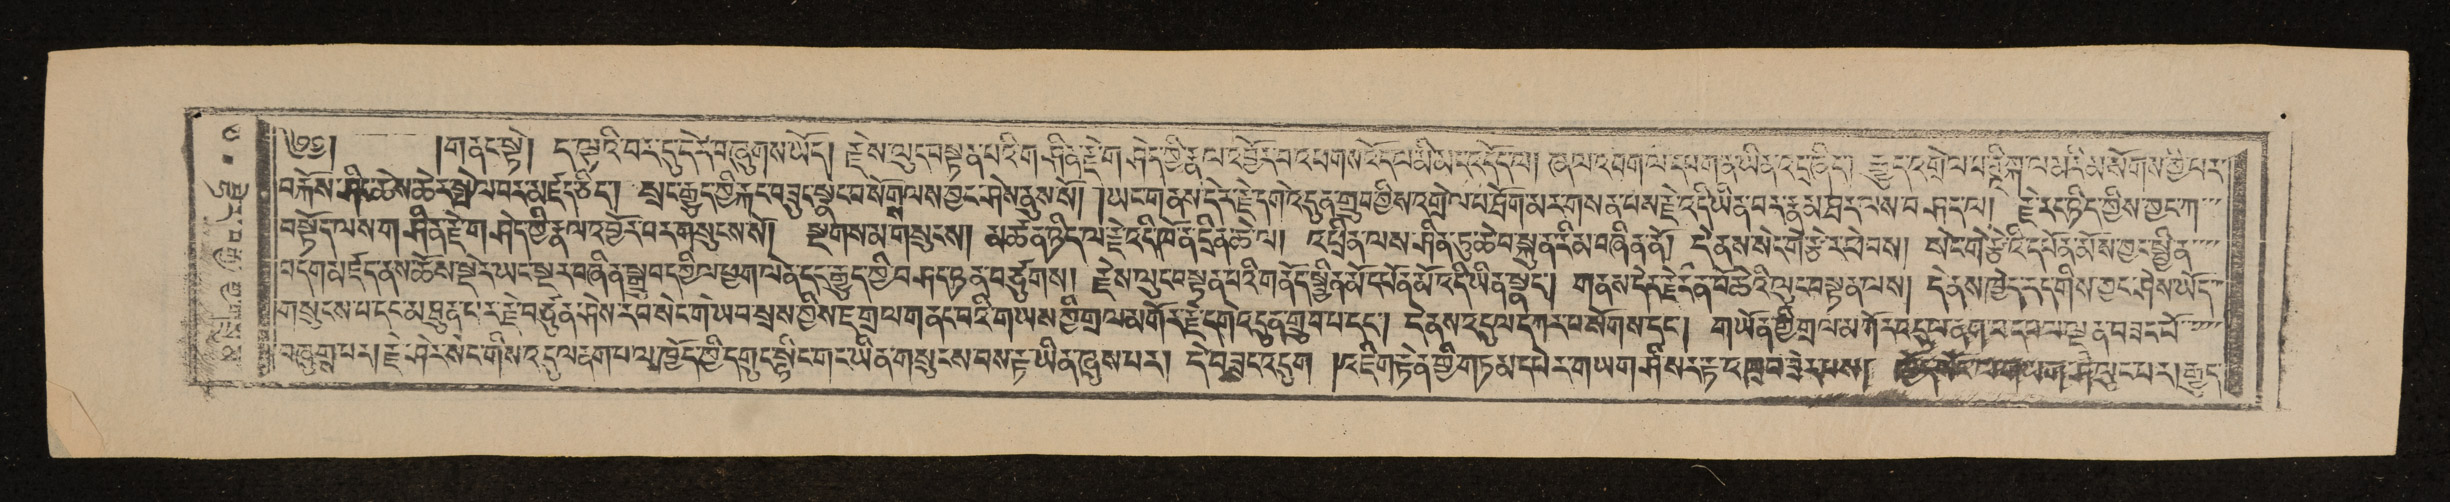༄༅། །གནང་སྟེ། ད་ལྟའི་བར་དུ་དེར་བཞུགས་ཡོད། རྗེས་ལུང་བསྟན་པའི་གཤིན་རྗེ་གཤེད་ཀྱི་རྣལ་འབྱོར་པ་འཕགས་འོད་ལ་མི་མང་འདོད་ལ། ཞལ་འབག་ལ་དཔག་ན་ཡིན་འདྲ་ཞིང་། རྒྱུད་འགྲེལ་པ་ཊཱིཀྐ་ལམ་རིམ་སོགས་ཀྱི་པར་
བརྐོས་ཤིང་ཆེས་ཆེར་སྤེལ་བར་མཛད་ཅིང་། སྲད་རྒྱུད་ཀྱི་རྐང་བཟུང་སྣང་བ་སོགས་ལས་ཀྱང་ཤེས་ནུས་སོ། །ཡང་གནས་དེར་རྗེ་དགེ་འདུན་གྲུབ་ཀྱིས་འགྲེལ་པ་ཐོག་མར་གསན་བས་རྗེ་འདི་ཡིན་པར་རྣམ་ཐར་ལས་བཤད་ལ། རྗེ་རང་ཉིད་ཀྱིས་ཀྱང་ཀ་
བསྟོད་ལས་གཤིན་རྗེ་གཤེད་ཀྱི་རྣལ་འབྱོར་བར་གསུངས་སོ། སྔགས་མ་གསུངས། མཚན་ཉིད་ལ་རྗེ་འདི་ཁོ་ན་དྲིན་ཆེ་ལ། འཕྲིན་ལས་ཤིན་ཏུ་ཆེ་བ་སྐུ་ན་རིམ་བཞིན་ནོ། དེ་ནས་སེང་གེ་རྩེར་ཕེབས། སེང་གེ་རྩེའི་དཔོན་མོས་ཀྱང་སྦྱིན་
བདག་མཛད་ནས་ཆོས་སྡེར་ཡང་སྔར་བཞིན་སྒྲུབ་དཀྱིལ་ཕྱག་ལེན་དང་རྒྱུད་ཀྱི་བཤད་ཉན་བཙུགས། རྗེས་ལུང་བསྟན་པའི་གནོད་སྦྱིན་མོ་དཔོན་མོ་འདི་ཡིན་སྣང་། གནས་དེར་རྗེ་རིན་པོ་ཆེའི་ལུང་བསྟན་ལས། དེ་ནས་ཁྱེད་རང་གིས་ཀྱང་ཤེས་ཡོད་
གསུངས་པ་དང་མཐུན་པར་རྗེ་བཙུན་ཤེས་རབ་སེང་གེ་ཡབ་སྲས་ཀྱིས་ཇ་གྲལ་གནང་བའི་གཡས་ཀྱི་གྲལ་མགོར་རྗེ་དགེ་འདུན་གྲུབ་པ་དང་། དེ་ནས་འདུལ་དཀར་བ་སོགས་དང་། གཡོན་གྱི་གྲལ་མགོར་འདུལ་ནག་པ་དཔལ་ལྡན་བཟང་པོ་
བཞུགས་པར། རྗེ་ཤེར་སེང་གིས་འདུལ་ནག་པ་ལ་ཁྱོད་ཀྱི་དགུང་སྙིང་གང་ཡིན་གསུངས་པས་རྟ་ཡིན་ཞུས་པར། དེ་བཟང་འདུག །འཇིག་རྟེན་གྱི་གཏམ་དཔེར་གཡག་ཤི་སར་རྟ་འཁྲབ་ཟེར་བས། ཁྱོད་སོང་ལ་གཡག་ཤི་ལུང་པར། རྒྱུད་